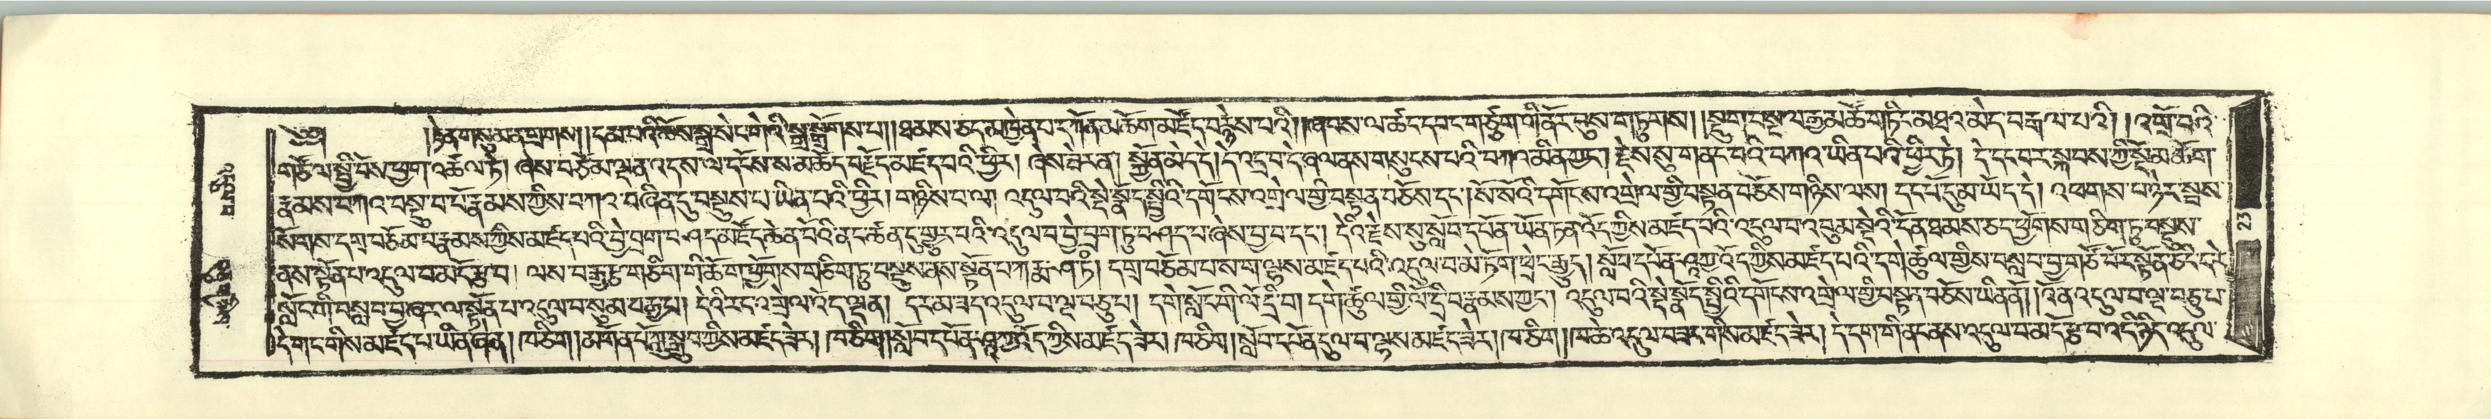༄༅། །རྟེན་གསུམ་ན་གྲགས། །དམ་པའི་ཆོས་སྒྲ་སེང་གེའི་སྒྲ་སྒྲོགས་པ། །ཐམས་ཅད་མཁྱེན་པ་དཀོན་མཆོག་མཛོད་བརྙེས་པའི། །ཞབས་ལ་ཚང་དབང་གཙུག་གི་ནོར་བུས་གཏུགས། །སྡུག་བསྔལ་རྒྱ་མཚོ་གཏིང་མཐའ་མེད་བརྒལ་པའི། །འགྲོ་བའི་
གཙོ་ལ་སྤྱི་བོས་ཕྱག་འཚལ་ཏེ། ཞེས་བཅོམ་ལྡན་འདས་ལ་དངོས་ས་མཆོད་བརྗོད་མཛད་པའི་ཕྱིར། ཞེས་ཟེར་ན། སྐྱོན་མེད་དེ། དེ་འདྲ་བ་དེ་ཞལ་ནས་གསུངས་པའི་བཀའ་མིན་ཀྱང་། རྗེས་སུ་གནང་བའི་བཀའ་ཡིན་པའི་ཕྱིར་ཏེ། དེ་དང་བར་སྐབས་ཀྱི་སྣྡོམ་ཆོག་
རྣམས་བཀའ་བསྡུ་བ་པོ་རྣམས་ཀྱིས་བཀའ་བཞིན་དུ་བསྡུས་པ་ཡིན་པའི་ཕྱིར། གཉིས་པ་ལ། འདུལ་བའི་སྡེ་སྣོད་སྤྱིའི་དགོངས་འགྲེལ་གྱི་བསྟན་བཅོས་དང་། སོ་སོའི་དགོངས་འགྲེལ་གྱི་བསྟན་བཅོས་གཉིས་ལས། དང་པོ་དུ་མ་ཡོད་དེ། འཕགས་པ་ཉེར་སྦས་
སོགས་དགྲ་བཅོམ་པ་རྣམས་ཀྱིས་མཛད་པའི་བྱེ་བྲག་བཤད་མཛོད་ཆེན་པོའི་ནང་ཚན་དུ་གྱུར་པའི་འདུལ་བ་བྱེ་བྲག་ཏུ་བཤད་པ་ཞེས་བྱ་བ་དང་། དེའི་རྗེས་སུ་སློབ་དཔོན་ཡོན་ཏན་འོད་ཀྱིས་མཛད་པའི་འདུལ་བ་འབུམ་སྡེའི་དོན་ཐམས་ཅད་ཕྱོགས་གཅིག་ཏུ་བསྡུས་
ནས་སྟོན་པ་འདུལ་བ་མདོ་རྩ་བ། ལས་བརྒྱ་རྩ་གཅིག་གི་ཆོ་ག་ཕྱོགས་གཅིག་ཏུ་བསྡུས་ནས་སྟོན་པ་ཀརྨ་ཤ་ཏཾ། དགྲ་བཅོམ་པ་ས་ག་ལྷས་མཛད་པའི་འདུལ་བ་མེ་ཏོག་ཕྲེང་རྒྱུད། སློབ་དཔོན་ཤཱ་ཀྱ་འོད་ཀྱིས་མཛད་པའི་དགེ་ཚུལ་གྱིས་བསླབ་བྱ་གཙོ་བོར་སྟོན་ཅིང་དེར་
སློང་གི་བསླབ་བྱ་ཞར་ལ་སྟོན་པ་འདུལ་བ་སུམ་བརྒྱ་པ། དེའི་རང་འགྲེལ་འོད་ལྡན། དར་མ་ཟད་འདུལ་བ་ལྔ་བཅུ་པ། དགེ་སློང་གི་ལོ་དྲི་བ། དགེ་ཚུལ་གྱི་ལོ་དྲི་བ་རྣམས་ཀྱང་། འདུལ་བའི་སྡེ་སྣོད་སྤྱིའི་དགོངས་འགྲེལ་གྱི་བསྟན་བཅོས་ཡིན་ནོ། །འོ་ན་འདུལ་བ་ལྔ་བཅུ་པ་
དེ་གང་གིས་མཛད་པ་ཡིན་ཞེ་ན། ཁ་ཅིག །མགོན་པོ་ཀླུ་སྒྲུབ་ཀྱིས་མཛད་ཟེར། ཁ་ཅིག །སློབ་དཔོན་ཤཱཀྱ་འོད་ཀྱིས་མཛད་ཟེར། ཁ་ཅིག །སློབ་དཔོན་དུལ་བ་ལྷས་མཛད་ཟེར། ཁ་ཅིག །ཁ་ཆེ་འདུལ་བཟང་གིས་མཛད་ཟེར། དེ་དག་གི་ནང་ནས་འདུལ་བ་མདོ་རྩ་བ་འདི་ཉིད་འདུལ་